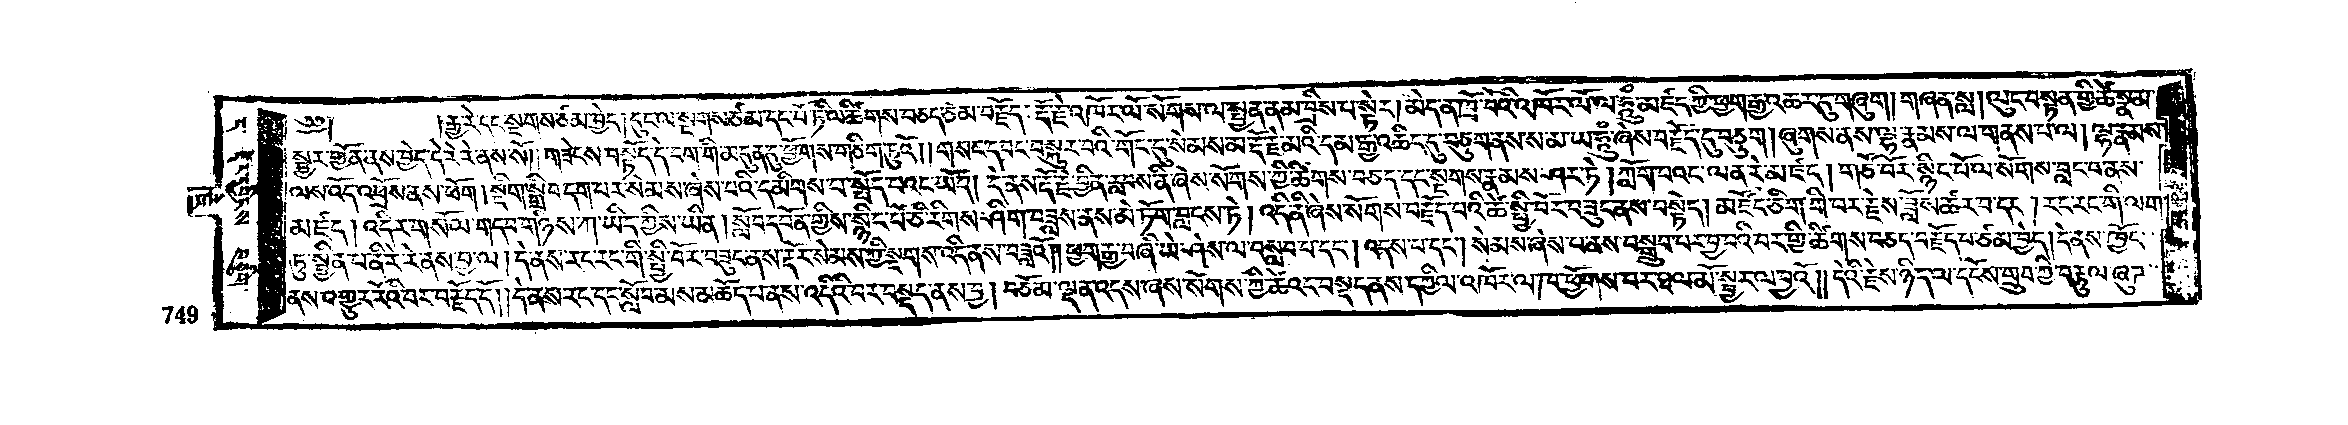༄༅། །རྒྱ་རེ་དང་སྔགས་ཙམ་བྱེད། དུང་ལ་སྔགས་ཙམ་དང་པོ་ཏི་ལ་ཚིགས་བཅད་ཙམ་བརྗོད་རྡོ་རྗེ་འཁོར་ལོ་སོགས་ལ་སྤྱན་ནམ་བྲིས་པ་སྟེར། མེད་ན་ཁྲོ་བོའི་འཁོར་ལོ་ལ་ཧཱུཾ་མཛད་ཀྱི་ཕྱག་རྒྱ་འཆར་དུ་གཞུག །གཞན་སླ། ལུང་བསྟན་གྱི་ཚེ་སྣམ་
སྦྱར་གྱོན་ནས་བྱེད་དེ་རེ་རེ་ནས་སོ། །གཟེངས་བསྟོད་དེ་དག་གི་མདུན་དུ་ཕྱོགས་གཅིག་ཏུའོ། །གསང་དབང་བསྐུར་བའི་གོང་དུ་སེམས་མ་རྡོ་རྗེ་མའི་དམ་རྒྱ་འཆིང་དུ་བཅུག་ནས་ས་མ་ཡ་ཧཱུཾ་ཞེས་བརྗོད་དུ་བཅུག །ཞུགས་ནས་ལྷ་རྣམས་ལ་གནས་པ་ལ། ལྷ་རྣམས་
ལས་འོད་འཕྲོས་ནས་ཕོག །སྡིག་སྒྲིབ་དག་པར་སེམས་ཞེས་པའི་དམིགས་པ་སྤོད་པའང་ཡོད། དེ་ནས་རྡོ་རྗེ་བྱིན་རླབས་ནི་ཞེས་སོགས་ཀྱི་ཚིགས་བཅད་དང་སྔགས་རྣམས་ཤར་ཏེ། ཀློག་པའང་ལན་རེ་མཛད། གཙོ་བོར་སྙིང་པོ་ལ་སོགས་བླང་བ་ནས་
མཛད། འདིར་གསོལ་གདབ་གཉིས་ཀ་ཡིད་ཀྱིས་ཡིན། སློབ་དཔོན་གྱིས་སྙིང་པོ་ཅི་རིགས་ཤིག་བཟླས་ནས་མེ་ཏོག་བླངས་ཏེ། འདི་ནི་ཞེས་སོགས་བརྗོད་པའི་ཚེ་སྤྱི་བོར་བཟུང་ནས་བསྟེད། མཛོད་ཅིག་གི་བར་རྗེས་ཟློས་ཚར་བ་དང་། རང་རང་གི་ལག་
ཏུ་སྦྱིན་པ་ནི་རེ་རེ་ནས་བྱ་ལ། དེ་ནས་རང་རང་གི་སྤྱི་བོར་བཟུང་ནས་རྡོར་སེམས་ཀྱི་སྔགས་འདི་ནས་བཟླའོ། །ཕྱག་རྒྱ་བཞི་ཡེ་ཤེས་ལ་བསླབ་པ་དང་། འདས་པ་དང་། སེམས་ཞེས་པ་ནས་བསྒྲུབ་པར་བྱ་བའི་བར་གྱི་ཚིགས་བཅད་བརྗོད་པ་ཙམ་བྱེད། དེ་ནས་ཁྱོད་
ནས་འགྱུར་རོའི་བར་བརྗོད་དོ། །དེ་ནས་རང་དང་སློབ་མས་མཆོད་པ་ནས་འདིའི་བར་བསྡད་ནས་བྱ། བཅོམ་ལྡན་འདས་ཞེས་སོགས་ཀྱི་ཚེའང་བསྡད་ནས་དཀྱིལ་འཁོར་ལ་ཁ་ཕྱོགས་པར་ཐལ་མོ་སྦྱར་ལ་བྱའོ། །དེའི་རྗེས་ཉིད་ལ་དངོས་གྲུབ་ཀྱི་བརྟུལ་ཞུགས་